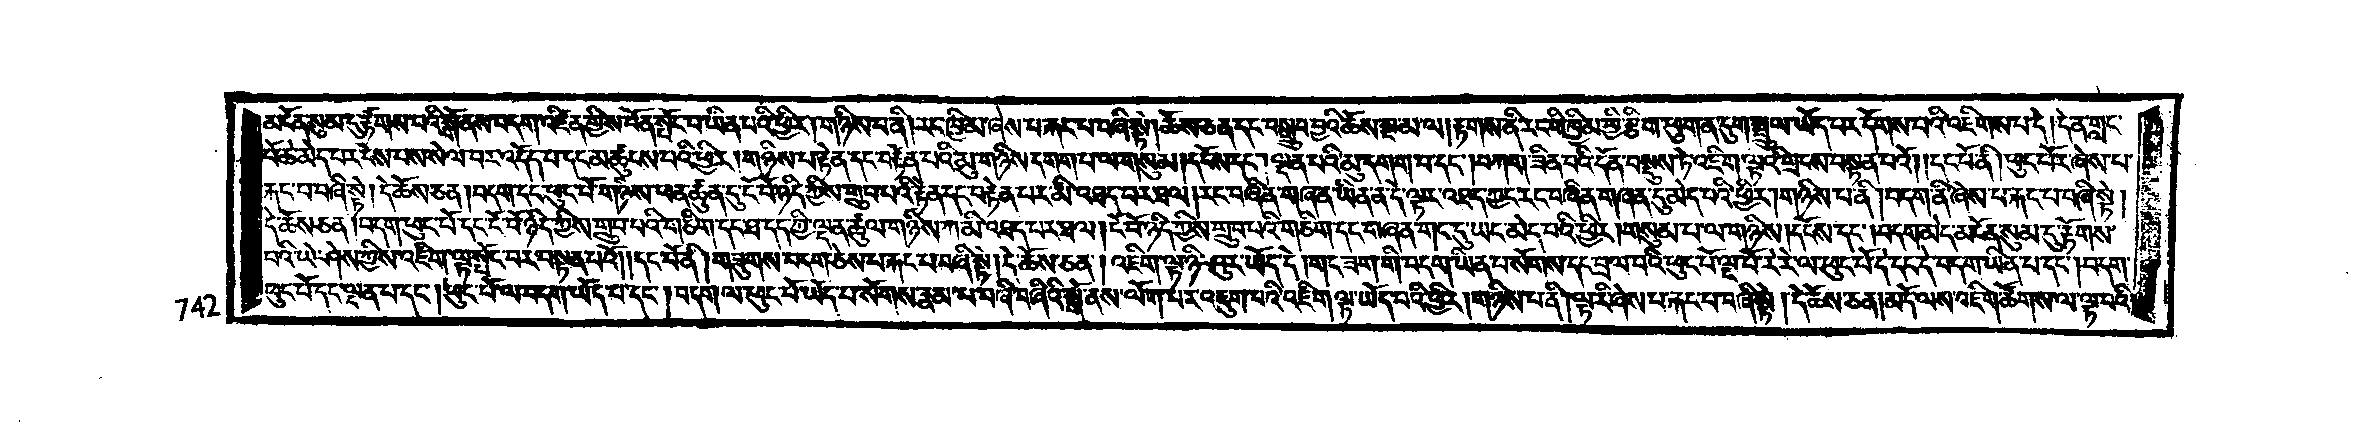མངོན་སུམ་དུ་རྟོགས་པའི་སྒོ་ནས་བདག་འཛིན་གྱི་ས་བོན་སྤོང་བ་ཡིན་པའི་ཕྱིར། གཉིས་པ་ནི། རང་ཁྱིམ་ཞེས་པ་རྐང་པ་བཞི་སྟེ། ཆོས་ཅན་དང་བསྒྲུབ་བྱའི་ཆོས་སྔ་མ་ལ། རྟགས་ནི་རང་གི་ཁྱིམ་གྱི་རྩིག་ཕུག་ན་དུག་སྦྲུལ་ཡོད་པར་དོགས་པའི་འཇིགས་པ་དེ། དེ་ན་གླང་
པོ་ཆེ་མེད་པར་ངེས་པས་སེལ་བར་འདོད་པ་དང་མཚུངས་པའི་ཕྱིར། གཉིས་པ་རྟེན་དང་བརྟེན་པའི་མུ་གཉིས་དགག་པ་ལ་གསུམ། དངོས་དང་། ལྡན་པའི་མུ་དགག་པ་དང་། བཀག་ཟིན་པའི་དོན་བསྡུས་ཏེ་འཇིག་ལྟའི་གྲངས་བསྟན་པའོ། །དང་པོ་ནི། ཕུང་པོར་ཞེས་པ་
རྐང་པ་བཞི་སྟེ། དེ་ཆོས་ཅན། བདག་དང་ཕུང་པོ་གཉིས་ཕན་ཚུན་དུ་ངོ་བོ་ཉིད་ཀྱིས་གྲུབ་པའི་རྟེན་དང་བརྟེན་པར་མི་འཐད་པར་ཐལ། རང་བཞིན་གཞན་ཡིན་ན་དེ་ལྟར་འཐད་ཀྱང་རང་བཞིན་གཞན་དུ་མེད་པའི་ཕྱིར། གཉིས་པ་ནི། བདག་ནི་ཞེས་པ་རྐང་པ་བཞི་སྟེ།
དེ་ཆོས་ཅན། བདག་ཕུང་པོ་དང་ངོ་བོ་ཉིད་ཀྱིས་གྲུབ་པའི་གཅིག་དང་ཐ་དད་ཀྱི་ལྡན་ཚུལ་གཉིས་ཀ་མི་འཐད་པར་ཐལ། ངོ་བོ་ཉིད་ཀྱིས་གྲུབ་པའི་གཅིག་དང་གཞན་གང་དུ་ཡང་མེད་པའི་ཕྱིར། གསུམ་པ་ལ་གཉིས། དངོས་དང་། བདག་མེད་མངོན་སུམ་དུ་རྟོགས་
པའི་ཡེ་ཤེས་ཀྱིས་འཇིག་ལྟ་སྤོང་བར་བསྟན་པའོ། །དང་པོ་ནི། གཟུགས་བདག་ཅེས་པ་རྐང་པ་བཞི་སྟེ། དེ་ཆོས་ཅན། འཇིག་ལྟ་ཉི་ཤུར་ཡོད་དེ། གང་ཟག་གི་བདག་ཡིན་པ་སོགས་དང་བྲལ་བའི་ཕུང་པོ་ལྔ་པོ་རེ་རེ་ལ་ཕུང་པོ་དེ་དང་དེ་བདག་ཡིན་པ་དང་། བདག་
ཕུང་པོ་དང་ལྡན་པ་དང་། ཕུང་པོ་ལ་བདག་ཡོད་པ་དང་། བདག་ལ་ཕུང་པོ་ཡོད་པ་སོགས་རྣམ་པ་བཞི་བཞིའི་སྒོ་ནས་ལོག་པར་འཇུག་པའི་འཇིག་ལྟ་ཡོད་པའི་ཕྱིར། གཉིས་པ་ནི། ལྟ་རི་ཞེས་པ་རྐང་པ་བཞི་སྟེ། དེ་ཆོས་ཅན། མདོ་ལས་འཇིག་ཚོགས་ལ་ལྟ་བའི་